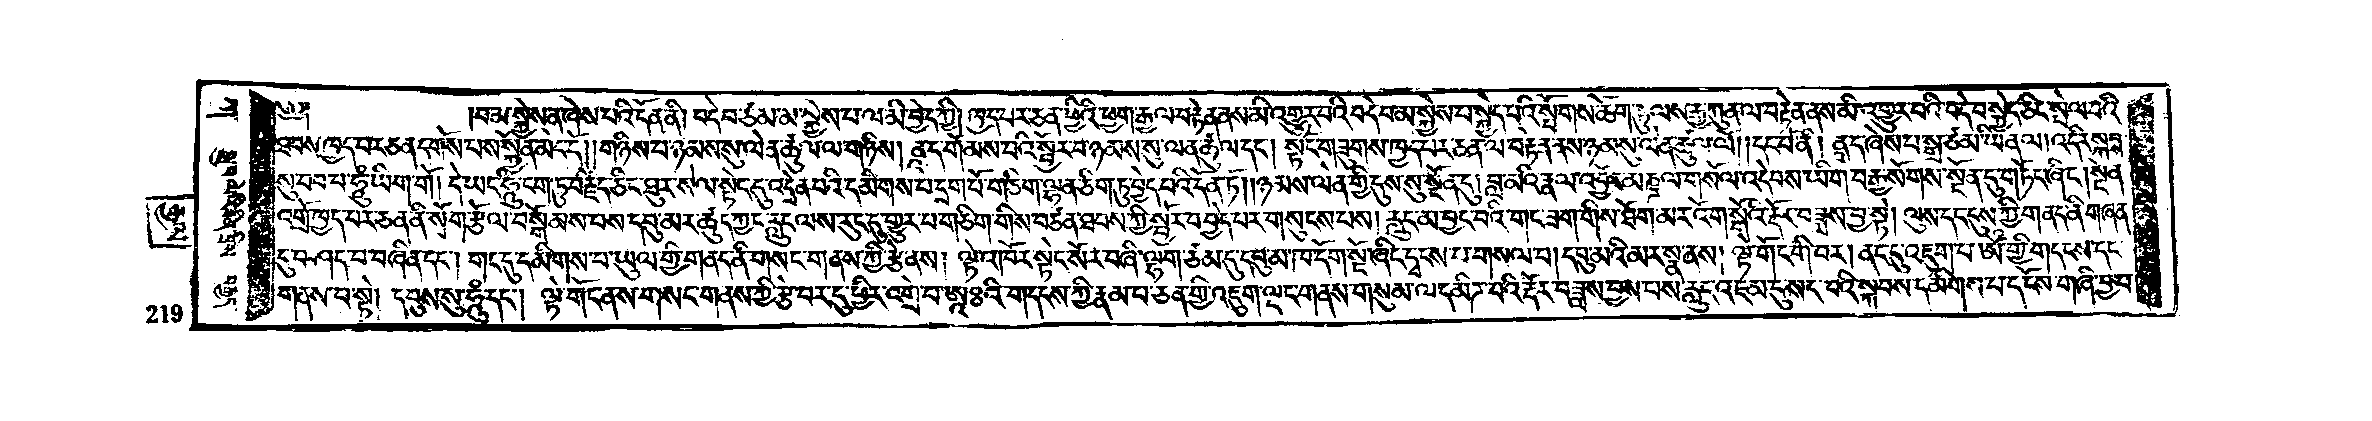༄༅། །བ་མ་སྐྱེས་ན་ཞེས་པའི་དོན་ནི། བདེ་བ་ཙམ་མ་སྐྱེས་པ་ལ་མི་བྱེད་ཀྱི། ཁྱད་པར་ཅན་ཕྱིའི་ཕྱག་རྒྱལ་བརྟེན་ནས་མི་འགྱུར་བའི་བདེ་བ་མ་སྐྱེས་པ་སྐྱེད་པའི་སྤོགས་ཆོག་ཏུ་ལས་རྒྱ་ཀུན་ལ་བརྟེན་ནས་མི་འགྱུར་བའི་བདེ་བ་སྐྱེད་ཅིང་སྤེལ་བའི་
ཐབས་ཁྱད་པར་ཅན་དགོས་པས་སྐྱོན་མེད་དོ། །གཉིས་པ་ཉམས་སུ་ལེན་ཚུལ་ལ་གཉིས། ནཱ་ད་གོམས་པའི་སྦྱོར་བ་ཉམས་སུ་ལན་ཚུལ་དང་། སྟོང་གཟུགས་ཁྱད་པར་ཅན་ལ་བརྟེན་ནས་ཉམས་སུ་ལེན་ཚུལ་ལོ། །དང་པོ་ནི། ནཱ་ད་ཞེས་པ་སྒྲ་ཙམ་ཡིན་ལ། འདིར་སྐབས་
སུ་བབ་པ་ཧཱུཾ་ཡིག་གོ །དེ་ཡང་ཧཱུཾ་ངག་ཏུ་བརྗོད་ཅིང་ཐུར་སེལ་སྟེང་དུ་འདྲེན་པའི་དམིགས་པ་དྲག་པོ་གཅིག་ལྷན་ཅིག་ཏུ་བྱེད་པའི་དོན་ཏོ། །ཉམས་ལེན་གྱི་དུས་སུ་སྔོན་དུ། བླ་མའི་རྣལ་འབྱོར་མཎཌལ་གསོལ་འདེབས་ཡིག་བརྒྱ་སོགས་སྔོན་དུ་གཏོང་ཞིང་། སྔོན་
འགྲོ་ཁྱད་པར་ཅན་ནི་སྲོག་རྩོལ་བསྒོམས་པས་དབུ་མར་ཚུད་ཀྱང་རླུང་ལས་རུང་དུ་གྱུར་པ་གཅིག་གིས་བཙན་ཐབས་ཀྱི་སྦྱོར་བ་བྱེད་པར་གསུངས་པས། རླུང་མ་བྱང་བའི་གང་ཟག་གིས་ཐོག་མར་འོག་སྒོའི་རྡོར་བཟླས་བྱ་སྟེ། ལུས་དང་དུས་ཀྱི་གནད་ནི་གཞན་
དུ་བཤད་པ་བཞིན་དང་། གང་དུ་དམིགས་པ་ཡུལ་གྱི་གནད་ནི་གསང་གནས་ཀྱི་རྩེ་ནས། ལྟེ་འཁོར་སྟེང་སོར་བཞི་ལྷག་ཙམ་དུ་དབུ་མ་ཁ་དོག་སྔོ་ཞིང་དྭངས་བ་གསལ་བ། དབུ་མའི་མར་སྣ་ནས། ལྟ་གོང་གི་བར། ནང་དུ་འཇུག་པ་ཨོཾ་གྱི་གདངས་དང་
གནས་པ་སྟེ། དབུས་སུ་ཧཱུཾ་དང་། ལྟེ་གོང་ནས་གསང་གནས་ཀྱི་རྩེ་བར་དུ་ཕྱིར་འགྲོ་བ་ཨཱཿ འི་གདངས་ཀྱི་རྣམ་པ་ཅན་གྱི་འཇུག་ལྡང་གནས་གསུམ་ལ་དམིགས་པའི་རྡོར་བཟླས་བྱས་པས་རླུང་འཇམ་དུ་སོང?་བའི་སྐབས་དམིགས་པ་དངོས་གཞི་བྱ་བ་